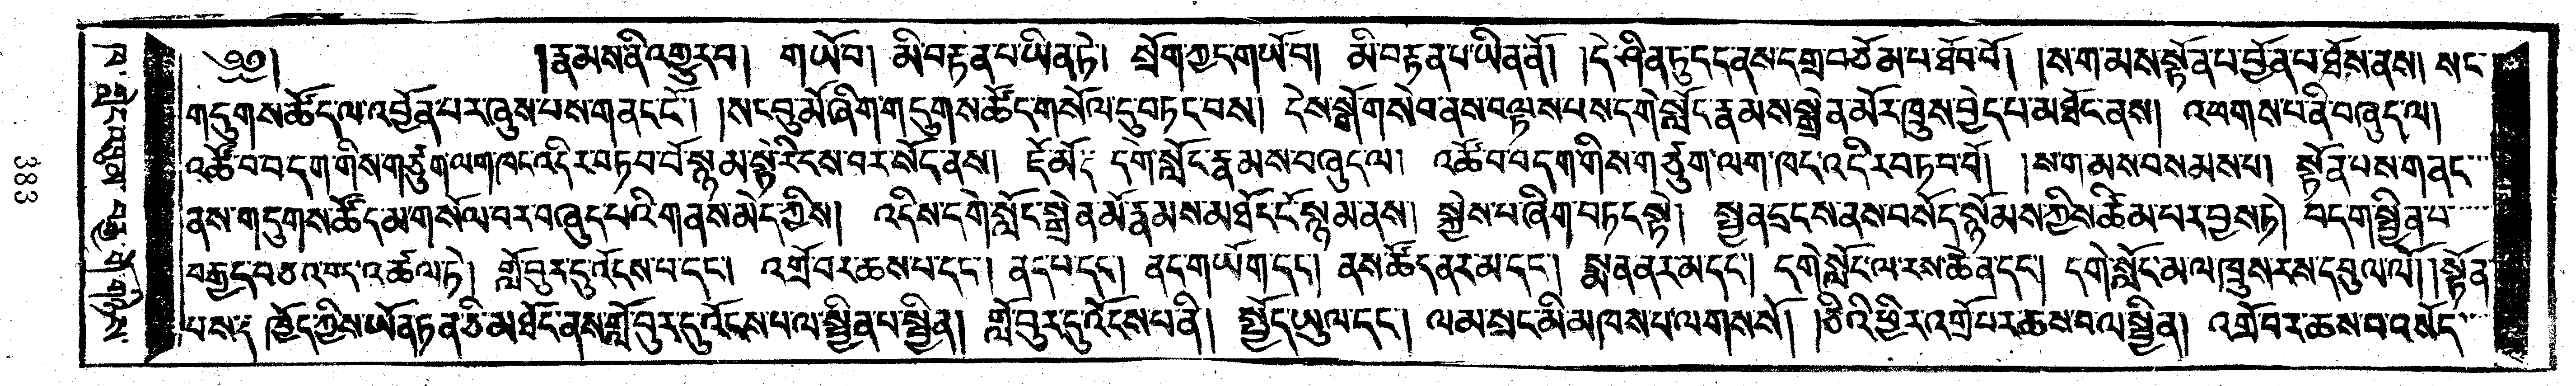༄༅། །རྣམས་ནི་འགྱུར་བ། གཡོ་བ། མི་བརྟན་པ་ཡིན་ཏེ། སྲོག་ཀྱང་གཡོ་བ། མི་བརྟན་པ་ཡིན་ནོ། །དེ་ཤིན་ཏུ་དད་ནས་དགྲ་བཅོམ་པ་ཐོབ་བོ། །ས་ག་མས་སྟོན་པ་བྱོན་པ་ཐོས་ནས། སང་
གདུགས་ཚོད་ལ་འབྱོན་པར་ཞུགས་པས་གནང་ངོ། །སང་བུ་མོ་ཞིག་གདུགས་ཚོང་གསོལ་དུ་བཏང་བས། དེས་སྒོ་གསེབ་ནས་བལྟས་པས་དགེ་སློང་རྣམས་སྒྲེན་མོར་ཁྲུས་བྱེད་པ་མཐོང་ནས། འཕགས་པ་ནི་བཞུད་ལ།
འཚོ་བ་བདག་གིས་གཙུག་ལག་ཁང་འདིར་བཏབ་བོ་སྙམ་སྟེ་རིངས་བར་སོང་ནས། ཇོ་མོ༑ དགེ་སློང་རྣམས་བཞུད་ལ། འཚོ་བ་བདག་གིས་གཙུག་ལག་ཁང་འདིར་བཏབ་བོ། །ས་ག་མས་བསམས་པ། སྟོན་པས་གནང་
ནས་གདུགས་ཚོད་མ་གསོལ་བར་བཞུད་པའི་གནས་མེད་ཀྱིས། འདིས་དགེ་སློང་སྒྲེན་མོ་རྣམས་མཐོང་ངོ་སྙམ་ནས། སྐྱེས་པ་ཞིག་བཏང་སྟེ། སྤྱན་དྲངས་ནས་བསོད་སྙོམས་ཀྱིས་ཚིམ་པར་བྱས་ཏེ། བདག་སྦྱིན་པ་
བརྒྱད་བཅའ་བད་འཚལ་ཏེ། གློ་བུར་དུ་འོངས་པ་དང་། འགྲོ་བར་ཆས་པ་དང་། ནད་པ་དང་། ནད་གཡོག་དང་། ནས་ཚོད་ནར་མ་དང་། སྨན་ནར་མ་དང་། དགེ་སློང་ལ་རས་ཆེན་དང་། དགེ་སློང་མ་ལ་ཁྲུས་རས་དབུལ་ལོ། །སྟོན་
པས༑ ཁྱོད་ཀྱིས་ཡོན་ཏན་ཅི་མཐོང་ནས་གློ་བུར་དུ་འོངས་པ་ལ་སྦྱིན་པ་སྦྱིན། གློ་བུར་དུ་འོངས་པ་ནི། སྤྱོད་ཡུལ་དང་། ལམ་སྲང་མི་མཁས་པ་ལགས་སོ། །ཅིའི་ཕྱིར་འགྲོ་བར་ཆས་བ་ལ་སྦྱིན། འགྲོ་བར་ཆས་བ་བསོད་